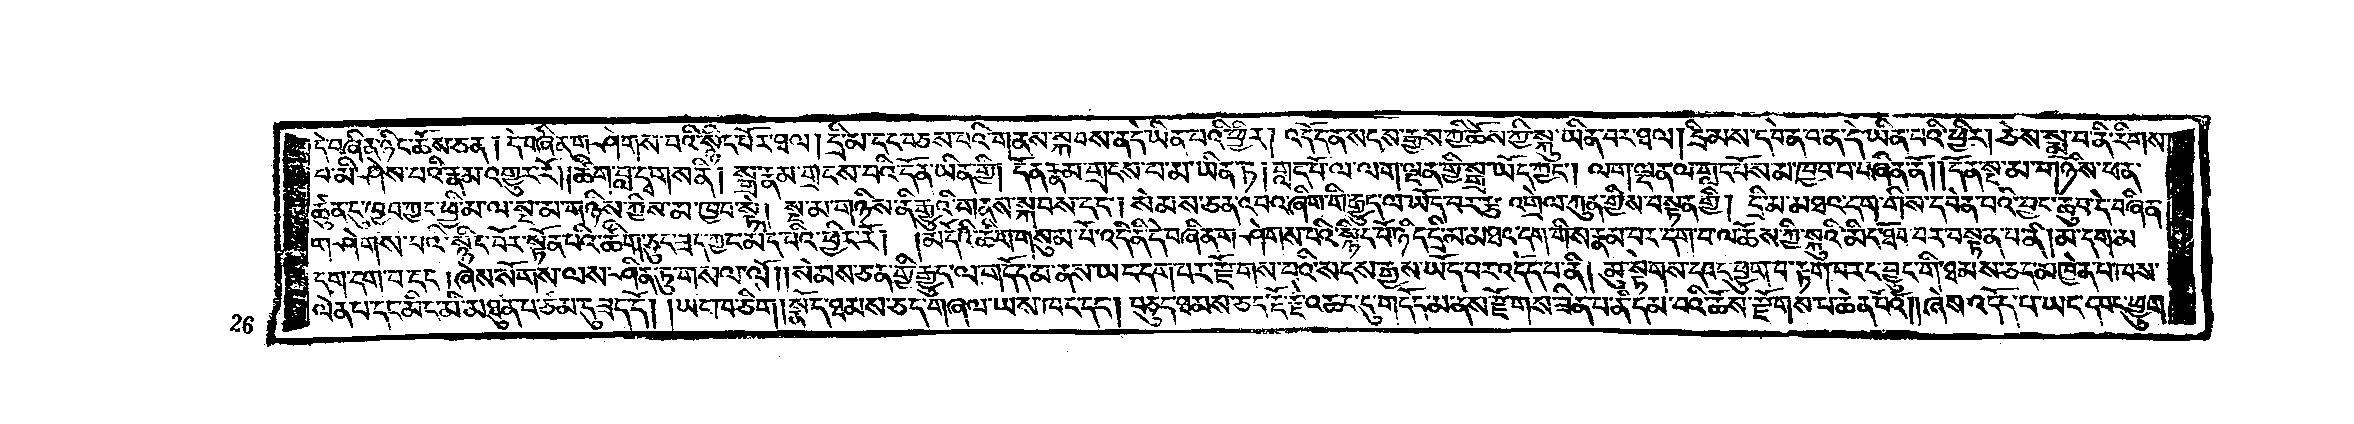དེ་བཞིན་ཉིད་ཆོས་ཅན། དེ་བཞིན་གཤེགས་པའི་སྙིང་པོར་ཐལ། དྲི་མ་དང་བཅས་པའི་གནས་སྐབས་ན་དེ་ཡིན་པའི་ཕྱིར། འདོད་ན་སངས་རྒྱས་ཀྱི་ཆོས་ཀྱི་སྐུ་ཡིན་པར་ཐལ། དྲི་མས་དབེན་པ་ན་དེ་ཡིན་པའི་ཕྱིར། ཅེས་སྨྲ་བ་ནི་རིགས་
པ་མི་ཤེས་པའི་རྣམ་འགྱུར་རོ། །ཚིག་བླ་དྭགས་ནི། སྒྲ་རྣམ་གྲངས་པའི་དོན་ཡིན་གྱི། དོན་རྣམ་གྲངས་པ་མ་ཡིན་ཏེ། གླང་པོ་ལ་ལག་ལྡན་གྱི་སྒྲ་ཡོད་ཀྱང་། ལག་ལྡན་ལ་གླང་པོས་མ་ཁྱབ་པ་བཞིན་ནོ། །དོན་སྔ་མ་གཉིས་ཕན་
ཚུན་དུ་ཁྱབ་ཀྱང་ཕྱི་མ་ལ་སྔ་མ་གཉིས་ཀྱིས་མ་ཁྱབ་སྟེ། སྔ་མ་གཉིས་ནི་རྒྱུའི་གནས་སྐབས་དང་། སེམས་ཅན་འབའ་ཞིག་གི་རྒྱུད་ལ་ཡོད་པར་རྩ་འགྲེལ་ཀུན་གྱིས་བསྟན་གྱི། དྲི་མ་མཐའ་དག་གིས་དབེན་པའི་བྱང་ཆུབ་དེ་བཞིན་
གཤེགས་པའི་སྙིང་པོར་སྟོན་པའི་ཚིག་ཅུང་ཟད་ཀྱང་མེད་པའི་ཕྱིར་རོ། །མདོའི་ཚིག་གསུམ་པོ་འདི་ནི་དེ་བཞིན་གཤེགས་པའི་སྙིང་པོ་ཉིད་དྲི་མ་མཐའ་དག་གིས་རྣམ་པར་དག་པ་ལ་ཆོས་ཀྱི་སྐུའི་མིང་ཐོབ་པར་བསྟན་པ་ནི། མ་དག་མ་
དག་དག་པ་དང་། ཞེས་སོགས་ལས་ཤིན་ཏུ་གསལ་ལོ། །སེམས་ཅན་གྱི་རྒྱུད་ལ་གདོད་མ་ནས་ཡང་དག་པར་རྫོགས་པའི་སངས་རྒྱས་ཡོད་པར་འདོད་པ་ནི། མུ་སྟེགས་དབང་ཕྱུག་པ་རྟག་པ་རང་བྱུང་གི་ཐམས་ཅད་མཁྱེན་པ་ཁས་
ལེན་པ་དང་མིང་མི་མཐུན་པ་ཙམ་དུ་ཟད་དོ། །ཡང་ཁ་ཅིག །སྣོད་ཐམས་ཅད་གཞལ་ཡས་ཁང་དང་། བཅུད་ཐམས་ཅད་རྡོ་རྗེ་འཆང་དུ་གདོད་མ་ནས་རྫོགས་ཟིན་པ་ནི་དམ་པའི་ཆོས་རྫོགས་པ་ཆེན་པོའོ། །ཞེས་འདོད་པ་ཡང་དབང་ཕྱུག་